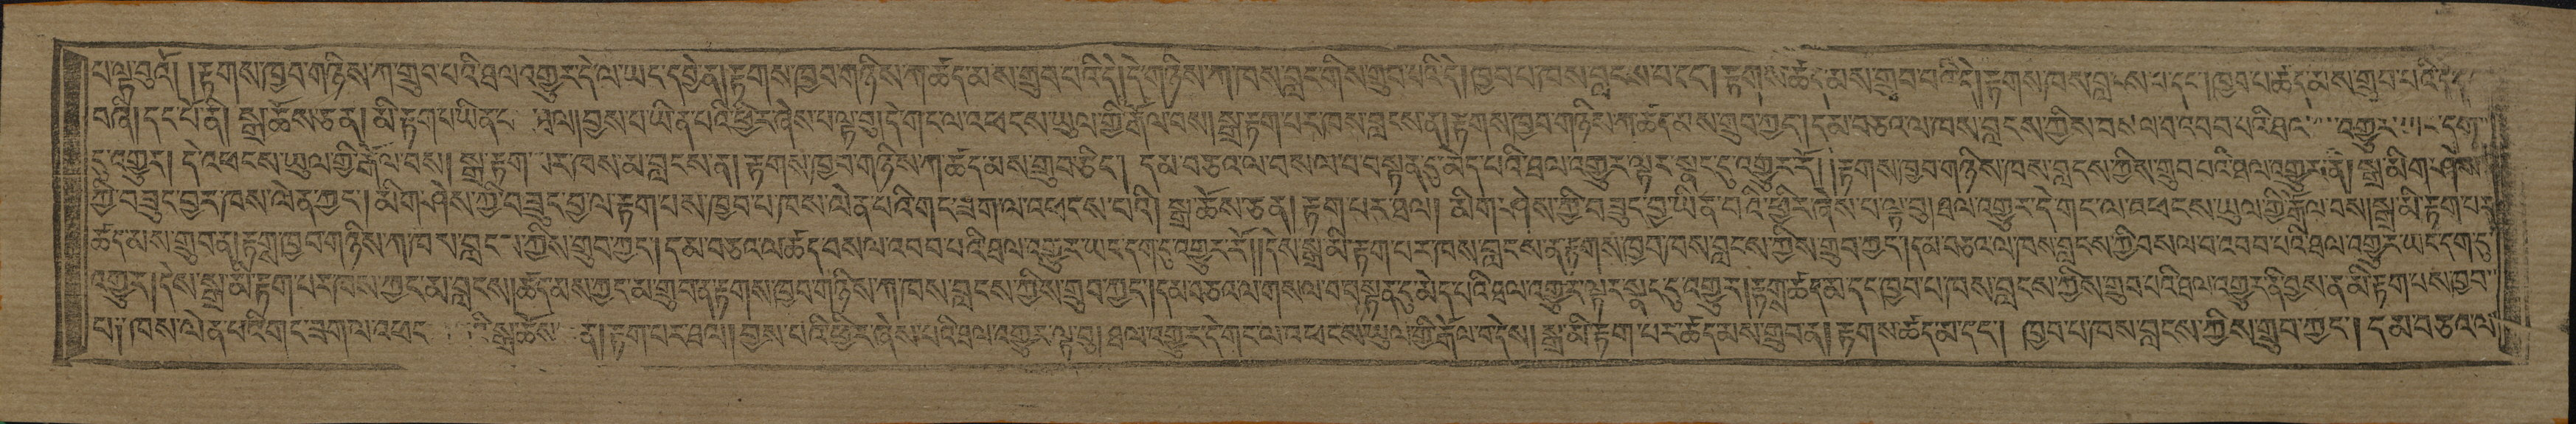པ་ལྟ་བུའོ། །རྟགས་ཁྱབ་གཉིས་ཀ་གྲུབ་པའི་ཐལ་འགྱུར་དེ་ལ་ཡང་དབྱེ་ན། རྟགས་ཁྱབ་གཉིས་ཀ་ཚད་མས་གྲུབ་པའི་དེ། དེ་གཉིས་ཀ་ཁས་བླང་གིས་གྲུབ་པའི་དེ། ཁྱབ་པ་ཁས་བླངས་པ་དང་། རྟགས་ཚད་མས་གྲུབ་པའི་དེ། རྟགས་ཁས་བླངས་པ་དང་། ཁྱབ་པ་ཚད་མས་གྲུབ་པའི་དེ་དང་
བཞི། དང་པོ་ནི། སྒྲ་ཆོས་ཅན། མི་རྟག་པ་ཡིན་པར་ཐལ། བྱས་པ་ཡིན་པའི་ཕྱིར་ཞེས་པ་ལྟ་བུ། དེ་གང་ལ་འཕངས་ཡུལ་གྱི་རྒོལ་བས། སྒྲ་རྟག་པར་ཁས་བླངས་ན། རྟགས་ཁྱབ་གཉིས་ཀ་ཚད་མས་གྲུབ་ཀྱང་། དམ་བཅའ་ལ་ཁས་བླངས་ཀྱིས་བསལ་བ་འབབ་པའི་ཐལ་འགྱུར་ཡང་དག་
དུ་འགྱུར། དེ་འཕངས་ཡུལ་གྱི་རྒོལ་བས། སྒྲ་རྟག་པར་ཁས་མ་བླངས་ན། རྟགས་ཁྱབ་གཉིས་ཀ་ཚད་མས་གྲུབ་ཅིང་། དམ་བཅའ་ལ་བསལ་བ་བསྟན་དུ་མེད་པའི་ཐལ་འགྱུར་ལྟར་སྣང་དུ་འགྱུར་རོ། །རྟགས་ཁྱབ་གཉིས་ཁས་བླངས་ཀྱིས་གྲུབ་པའི་ཐལ་འགྱུར་ནི། སྒྲ་མིག་ཤེས་
གྱི་བཟུང་བྱར་ཁས་ལེན་ཀྱང་། མིག་ཤེས་ཀྱི་བཟུང་བྱ་ལ་རྟག་པས་ཁྱབ་པ་ཁས་ལེན་པའི་གང་ཟག་ལ་འཕངས་པའི། སྒྲ་ཆོས་ཅན། རྟག་པར་ཐལ། མིག་ཤེས་ཀྱི་བཟུང་བྱ་ཡིན་པའི་ཕྱིར་ཞེས་པ་ལྟ་བུ། ཐལ་འགྱུར་དེ་གང་ལ་འཕངས་ཡུལ་གྱི་རྒོལ་བས། སྒྲ་མི་རྟག་པར་
ཚད་མས་གྲུབ་ན། རྟགས་ཁྱབ་གཉིས་ཀ་ཁས་བླངས་ཀྱིས་གྲུབ་ཀྱང་། དམ་བཅའ་ལ་ཚད་བསལ་འབབ་པའི་ཐལ་འགྱུར་ཡང་དག་དུ་འགྱུར་རོ། །དེས་སྒྲ་མི་རྟག་པར་ཁས་བླངས་ན་རྟགས་ཁྱབ་ཁས་བླངས་ཀྱིས་གྲུབ་ཀྱང་། དམ་བཅའ་ལ་ཁས་བླངས་ཀྱི་བསལ་བ་འབབ་པའི་ཐལ་འགྱུར་ཡང་དག་དུ་
འགྱུར། དེས་སྒྲ་མི་རྟག་པར་ཁས་ཀྱང་མ་བླངས། ཚད་མས་ཀྱང་མ་གྲུབ་ན་རྟགས་ཁྱབ་གཉིས་ཀ་ཁས་བླངས་ཀྱིས་གྲུབ་ཀྱང་། དམ་བཅའ་ལ་གསལ་བ་བསྟན་དུ་མེད་པའི་ཐལ་འགྱུར་ལྟར་སྣང་དུ་འགྱུར། རྟགས་ཚད་མ་དང་ཁྱབ་པ་ཁས་བླངས་ཀྱིས་གྲུབ་པའི་ཐལ་འགྱུར་ནི་བྱས་ན་མི་རྟག་པས་ཁྱབ་
པ༑ ཁས་ལེན་པའི་གང་ཟག་ལ་འཕངས་པའི་སྒྲ་ཆོས་ཅན། རྟག་པར་ཐལ། བྱས་པའི་ཕྱིར་ཞེས་པའི་ཐལ་འགྱུར་ལྟ་བུ། ཐལ་འགྱུར་དེ་གང་ལ་འཕངས་ཡུལ་གྱི་རྒོལ་བ་དེས། སྒྲ་མི་རྟག་པར་ཚད་མས་གྲུབ་ན། རྟགས་ཚད་མ་དང་། ཁྱབ་པ་ཁས་བླངས་ཀྱིས་གྲུབ་ཀྱང་། དམ་བཅའ་ལ་